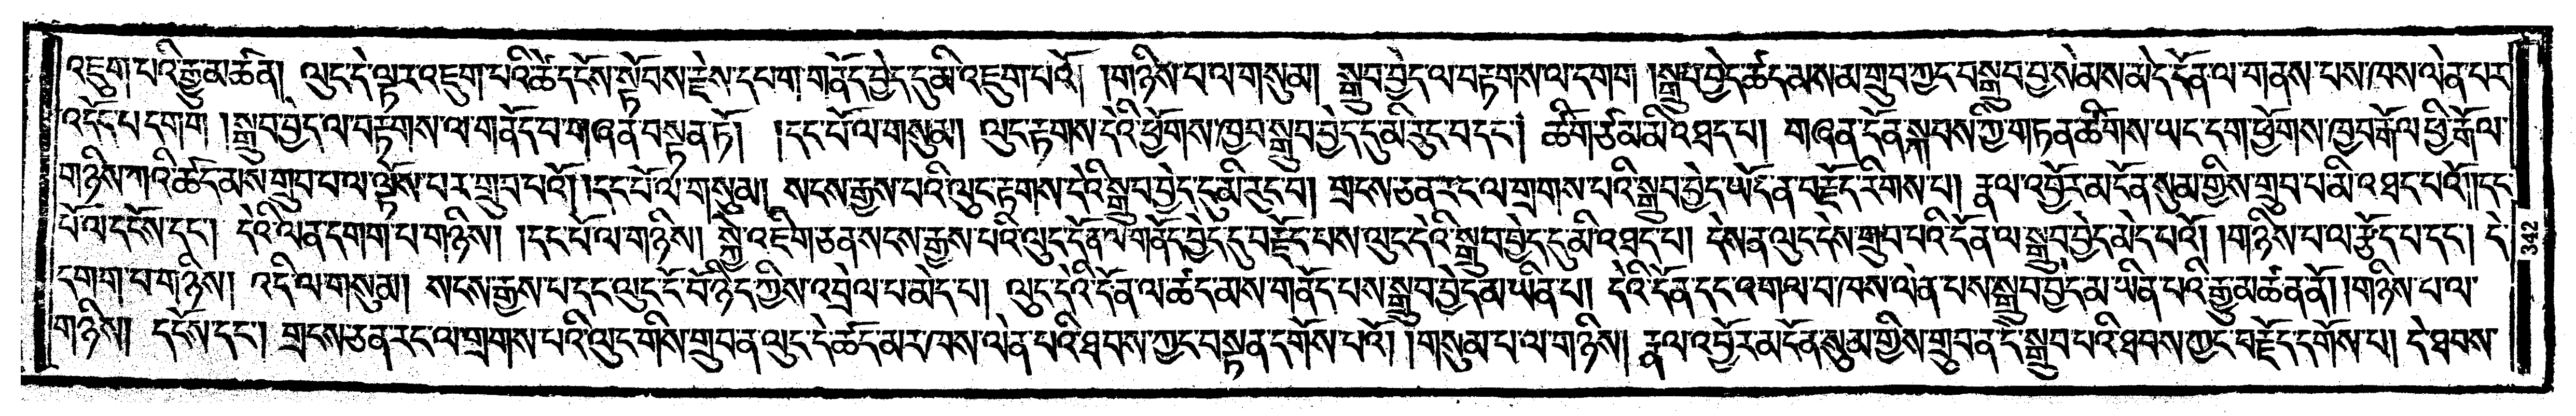འཇུག་པའི་རྒྱུ་མཚན། ལུང་དེ་ལྟར་འཇུག་པའི་ཚེ་དངོས་སྟོབས་རྗེས་དཔག་གནོད་བྱེད་དུ་མི་འཇུག་པའོ། །གཉིས་པ་ལ་གསུམ། སྒྲུབ་བྱེད་ལ་བརྟགས་ལ་དགག །སྒྲུབ་བྱེད་ཚད་མས་མ་གྲུབ་ཀྱང་བསྒྲུབ་བྱ་སེམས་མེད་དོན་ལ་གནས་པས་ཁས་ལེན་པར་
འདོད་པ་དགག །སྒྲུབ་བྱེད་ལ་བརྟགས་ལ་གནོད་པ་གཞན་བསྟན་ཏོ། །དང་པོ་ལ་གསུམ། ལུང་རྟགས་དེའི་ཕྱོགས་ཁྱབ་སྒྲུབ་བྱེད་དུ་མི་རུང་བ་དང་། ཚིག་ཙམ་མི་འཐད་པ། གཞན་དོན་སྐབས་ཀྱི་གཏན་ཚིགས་ཡང་དག་ཕྱོགས་ཁྱབ་རྒོལ་ཕྱི་རྒོལ་
གཉིས་ཀའི་ཚད་མས་གྲུབ་པ་ལ་ལྟོས་པར་གྲུབ་པའོ། །དང་པོ་ལ་གསུམ། སངས་རྒྱས་པའི་ལུང་རྟགས་དེའི་སྒྲུབ་བྱེད་དུ་མི་རུང་བ། གྲངས་ཅན་རང་ལ་གྲགས་པའི་སྒྲུབ་བྱེད་ཡོད་ན་བརྗོད་རིགས་པ། རྣལ་འབྱོར་མངོན་སུམ་གྱིས་གྲུབ་པ་མི་འཐད་པའོ། །དང་
པོ་ལ་དངོས་དང་། དེའི་ལན་དགག་པ་གཉིས། །དང་པོ་ལ་གཉིས། སྐྱེ་འཇིག་ཅན་སངས་རྒྱས་པའི་ལུང་དོན་ལ་གནོད་བྱེད་དུ་བརྗོད་པས་ལུང་དེའི་སྒྲུབ་བྱེད་དུ་མི་འཐད་པ། དེས་ན་ལུང་དེས་གྲུབ་པའི་དོན་ལ་སྒྲུབ་བྱེད་མེད་པའོ། །གཉིས་པ་ལ་རྩོད་པ་དང་། དེ་
དགག་པ་གཉིས། འདི་ལ་གསུམ། སངས་རྒྱས་པ་དང་ལུང་ངོ་བོ་ཉིད་ཀྱིས་འབྲེལ་པ་མེད་པ། ལུང་དེའི་དོན་ལ་ཚད་མས་གནོད་པས་སྒྲུབ་བྱེད་མ་ཡིན་པ། དེའི་དོན་དང་འགལ་བ་ཁས་ལེན་པས་སྒྲུབ་བྱེད་མ་ཡིན་པའི་རྒྱུ་མཚན་ནོ། །གཉིས་པ་ལ་
གཉིས། དངོས་དང་། གྲངས་ཅན་རང་ལ་གྲགས་པའི་ལུང་གིས་གྲུབ་ན་ལུང་དེ་ཚད་མར་ཁས་ལེན་པའི་ཐབས་ཀྱང་བསྟན་དགོས་པའོ། །གསུམ་པ་ལ་གཉིས། རྣལ་འབྱོར་མངོན་སུམ་གྱིས་གྲུབ་ན་དེ་སྒྲུབ་པའི་ཐབས་ཀྱང་བརྗོད་དགོས་པ། དེ་ཐབས་